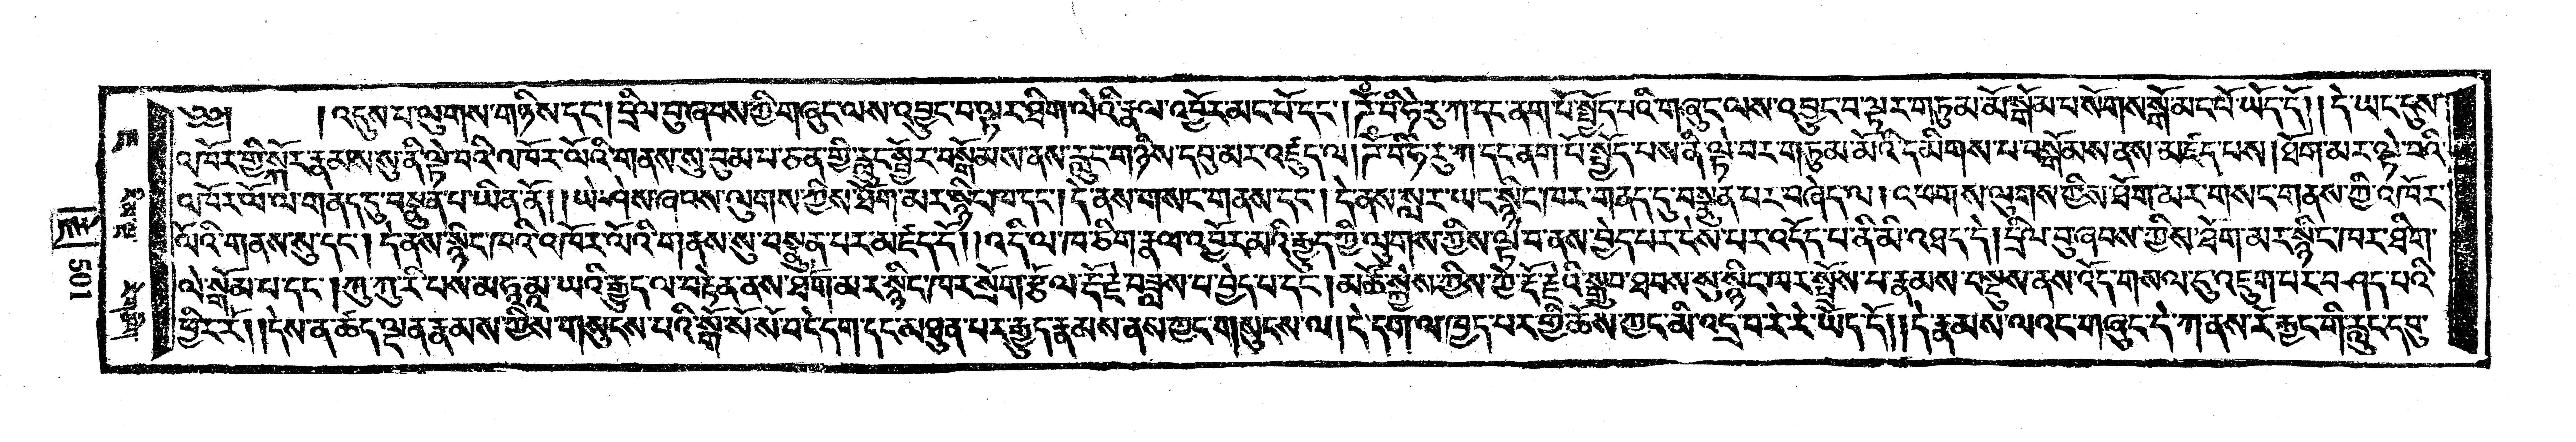༄༅། །འདུས་པ་ལུགས་གཉིས་དང་། དྲིལ་བུ་ཞབས་ཀྱི་གཞུང་ལས་འབྱུང་བ་ལྟར་ཐིག་ལེའི་རྣལ་འབྱོར་མང་པོ་དང་། ཌོ་བི་ཧེ་རུ་ཀ་དང་ནག་པོ་སྤྱོད་པའི་གཞུང་ལས་འབྱུང་བ་ལྟར་གཏུམ་མོ་སྒོམ་པ་སོགས་སྒོ་མང་པོ་ཡོད་དོ། །དེ་ཡང་དུས་
འཁོར་གྱི་སྐོར་རྣམས་སུ་ནི་ལྟེ་བའི་འཁོར་ལོའི་གནས་སུ་བུམ་པ་ཅན་གྱི་རླུང་སྦྱོར་བསྒོམས་ནས་རླུང་གཉིས་དབུ་མར་འཛུད་ལ། ཌོཾ་བི་ཧེ་རུ་ཀ་དང་ནག་པོ་སྤྱོད་པས་ནི་ལྟེ་བར་གཏུམ་མོའི་དམིགས་པ་བསྒོམས་ནས་མཛད་པས། ཐོག་མར་ལྟ་བའི་
འཁོར་ལོ་ལ་གནད་དུ་བསྣུན་པ་ཡིན་ནོ། །ཡེ་ཤེས་ཞབས་ལུགས་ཀྱིས་ཐོག་མར་སྙིང་ཁ་དང་། དེ་ནས་གསང་གནས་དང་། དེ་ནས་སླར་ཡང་སྙིང་ཁར་གནད་དུ་བསྣུན་པར་བཞེད་ལ། འཕགས་ལུགས་ཀྱིས་ཐོག་མར་གསང་གནས་ཀྱི་འཁོར་
ལོའི་གནས་སུ་དང་། དེ་ནས་སྙིང་ཁའི་འཁོར་ལོའི་གནས་སུ་བསྣུན་པར་མཛད་དོ། །འདི་ལ་ཁ་ཅིག་རྣལ་འབྱོར་མའི་རྒྱུད་ཀྱི་ལུགས་ཀྱིས་ལྟ་བ་ནས་བྱེད་པར་ངེས་པར་འདོད་པ་ནི་མི་འཐད་དེ། དྲིལ་བུ་ཞབས་ཀྱིས་ཐོག་མར་སྙིང་ཁར་ཐིག་
ལེ་སྒོམ་པ་དང་། ཀུ་ཀུ་རི་པས་མཧཱ་མཱ་ཡའི་རྒྱུད་ལ་བརྟེན་ནས་ཐོག་མར་སྙིང་ཁར་སྲོག་རྩོལ་རྡོ་རྗེ་བཟླས་པ་བྱེད་པ་དང་། མཚོ་སྐྱེས་ཀྱིས་ཀྱེ་རྡོ་རྗེའི་སྒྲུབ་ཐབས་སུ་སྙིང་ཁར་སྤྲོས་པ་རྣམས་བསྡུས་ནས་འོད་གསལ་དུ་འཇུག་པར་བཤད་པའི་
ཕྱིར་རོ། །དེས་ན་ཚད་ལྡན་རྣམས་ཀྱིས་གསུངས་པའི་སྒོ་སོ་སོ་བདེ་དག་དང་མཐུན་པར་རྒྱུད་རྣམས་ནས་ཀྱང་གསུངས་ལ། དེ་དག་ལ་ཁྱད་པར་གྱི་ཆོས་ཀྱང་མི་འདྲ་བ་རེ་རེ་ཡོད་དོ། །དེ་རྣམས་ལའང་གཞུང་དེ་ཀ་ནས་རོ་རྐྱང་གི་རླུང་དབུ་